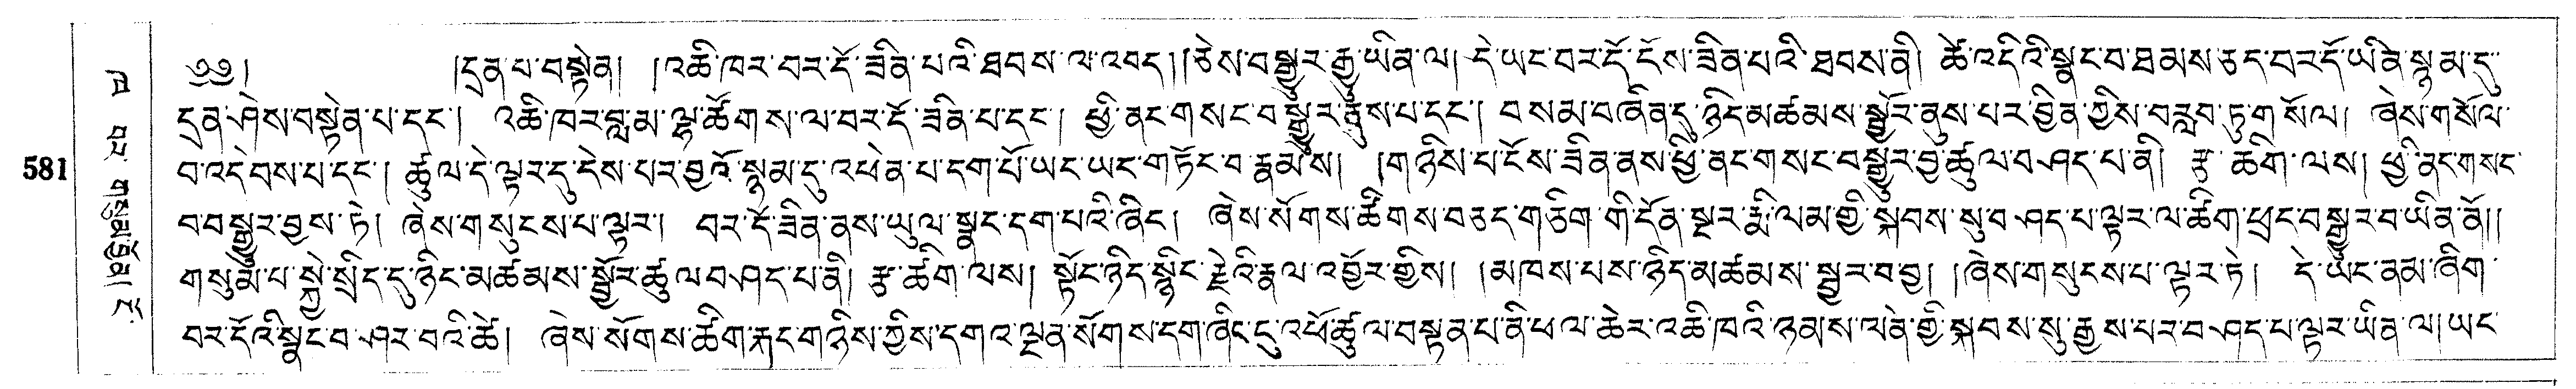༄༅། །དྲན་པ་བསྟེན། །འཆི་ཁར་བར་དོ་ཟིན་པའི་ཐབས་ལ་འབད། །ཅེས་བསྒྱུར་རྒྱུ་ཡིན་ལ། དེ་ཡང་བར་དོ་ངོས་ཟིན་པའི་ཐབས་ནི། ཚེ་འདིའི་སྣང་བ་ཐམས་ཅད་བར་དོ་ཡིན་སྙམ་དུ་
དྲན་ཤེས་བསྟེན་པ་དང་། འཆི་ཁར་བླ་མ་ལྷ་ཚོགས་ལ་བར་དོ་ཟིན་པ་དང་། ཕྱི་ནང་གསང་བསྒྱུར་ནུས་པ་དང་། བསམ་བཞིན་དུ་ཉིད་མཚམས་སྦྱོར་ནུས་པར་བྱིན་ཀྱིས་བརླབ་ཏུ་གསོལ། ཞེས་གསོལ་
བ་འདེབས་པ་དང་། ཚུལ་དེ་ལྟར་དུ་ངེས་པར་བྱའོ་སྙམ་དུ་འཕེན་པ་དག་པོ་ཡང་ཡང་གཏོང་བ་རྣམས། །གཉིས་པ་ངོས་ཟིན་ནས་ཕྱི་ནང་གསང་བསྒྱུར་བྱ་ཚུལ་བཤད་པ་ནི། རྩ་ཚིག་ལས། ཕྱི་ནང་གསང་
བ་བསྒྱུར་བྱས་ཏེ། ཞེས་གསུངས་པ་ལྟར། བར་དོ་ཟིན་ནས་ཡུལ་སྣང་དག་པའི་ཞིང་། ཞེས་སོགས་ཚིགས་བཅད་གཅིག་གི་དོན་སྔར་རྨི་ལམ་གྱི་སྐབས་སུ་བཤད་པ་ལྟར་ལ་ཚིག་ཕྲད་བསྒྱུར་བ་ཡིན་ནོ།།
གསུམ་པ་སྐྱེ་སྲིད་དུ་ཉིང་མཚམས་སྦྱོར་ཚུལ་བཤད་པ་ནི། རྩ་ཚིག་ལས། སྟོང་ཉིད་སྙིང་རྗེའི་རྣལ་འབྱོར་གྱིས། །མཁས་པས་ཉིད་མཚམས་སྦྱར་བ་བྱ། །ཞེས་གསུངས་པ་ལྟར་ཏེ། དེ་ཡང་ནམ་ཞིག་
བར་དོའི་སྣང་བ་ཤར་བའི་ཚེ། ཞེས་སོགས་ཚིག་རྐང་གཉིས་ཀྱིས་དགའ་ལྡན་སོགས་དག་ཞིང་དུ་འཕོ་ཚུལ་བསྟན་པ་ནི་ཕལ་ཆེར་འཆི་ཁའི་ཉམས་ལེན་གྱི་སྐབས་སུ་རྒྱས་པར་བཤད་པ་ལྟར་ཡིན་ལ། ཡང་